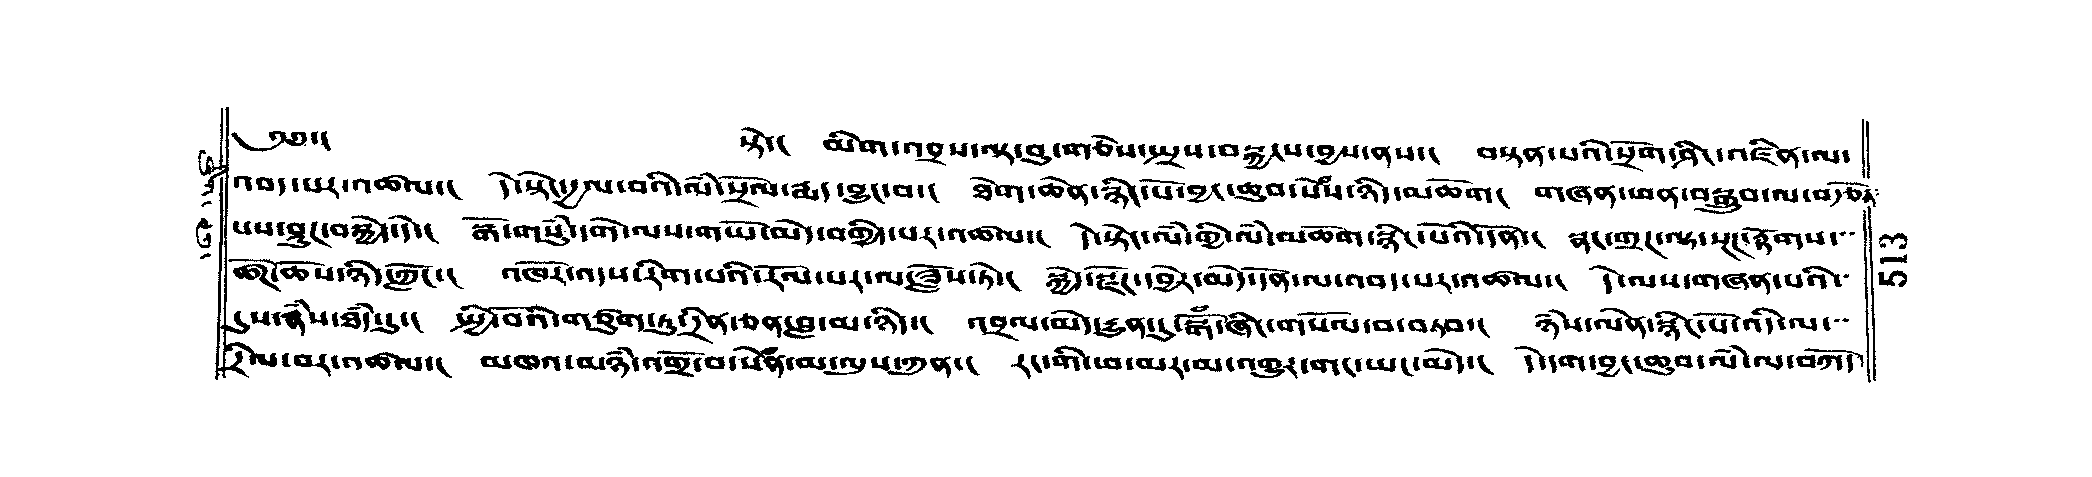སྟེ། །མིག་འབྲས་ལྟ་བུར་གཅེས་སྤྲས་བསྐྱང་བྱས་ནས། །བསྟན་པའི་སྲོག་ཤིང་འཛིན་ལ་
འབད་པར་འཚལ། །དེ་སྟེང་རྒྱལ་བའི་ལམ་སྲོལ་རྨད་བྱུང་བ། །ཐེག་ཆེན་སྙིང་པོ་བྱང་ཆུབ་སེམས་ཉིད་མཆོག །གཞན་ཕན་བསྒྲུབ་ལ་བརྩོན་
པས་ཤུགས་བསྐྱེད་དེ། །སྒོ་གསུམ་དགེ་ལས་གཡོ་མེད་བགྱིད་པར་འཚལ། །དེ་སྟེང་ལམ་གྱི་ལམ་མཆོག་སྙིང་པོའི་དོན། །སྣང་གྲགས་ལྷ་སྔགས་རྟོག་
ཚོགས་ཆོས་ཉིད་ཀློང་། །འཁོར་འདས་རིག་པའི་རོལ་པར་ལ་ཟླས་ཏེ། །སྐྱེད་རྫོགས་དབྱེར་མེད་དོན་ལ་འབད་པར་འཚལ། །དེ་ལས་གཞན་པའི་
དུས་རྣམས་ཐམས་ཅད་དུ། །སྤྱི་བོའི་གཙུག་ཏུ་དྲིན་ཅན་བླ་མ་ཉིད། །འབྲལ་མེད་རྒྱུན་དུ་སྒོམ་ཞིང་གསོལ་བ་གདབ། །ཉམས་ལེན་སྙིང་པོ་འདི་ལ་
དྲིལ་བར་འཚལ། །མཁའ་མཉམ་འགྲོ་བ་སེམས་ཅན་མ་ལུས་ཀུན། །རང་གི་ཕ་མར་མ་གྱུར་གང་ཡང་མེད། །དེ་དག་བྱང་ཆུབ་ལམ་ལ་འགོད་